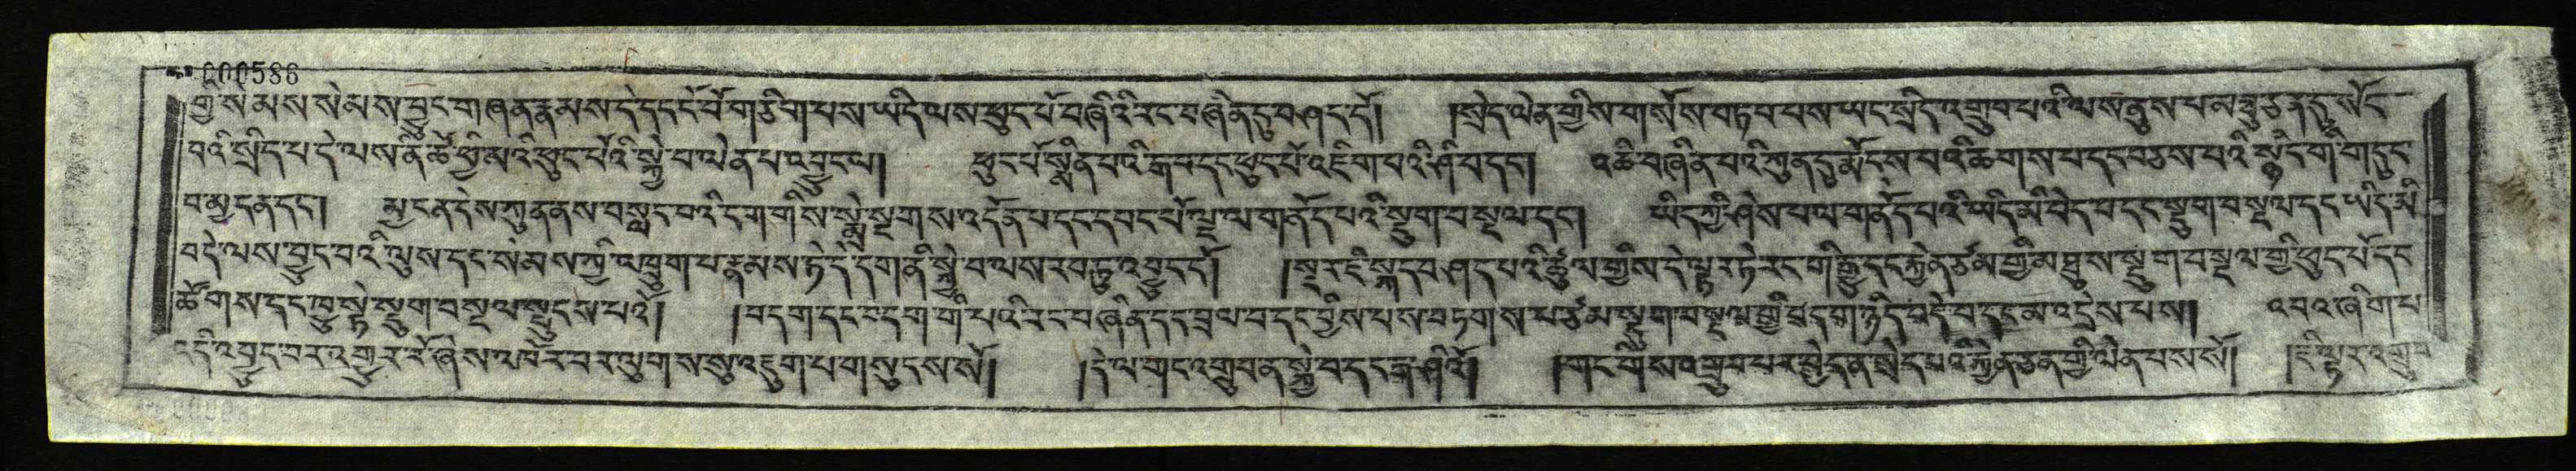གྱི་སེམས་སེམས་བྱུང་གཞན་རྣམས་དེ་དང་ངོ་བོ་གཅིག་པས་ཡིད་ལས་ཕུང་པོ་བཞིའི་རང་བཞིན་དུ་བཤད་དོ། །སྲེད་ལེན་གྱིས་གསོས་བཏབ་པས་ཡང་སྲིད་འགྲུབ་པའི་ལས་ནུས་པ་མཐུ་ཅན་དུ་སོང་
བའི་སྲིད་པ་དེ་ལས་ནི་ཚེ་ཕྱི་མའི་ཕུང་པོའི་སྐྱེ་བ་ལེན་པ་འབྱུང་ལ། ཕུང་པོ་སྨིན་པའི་རྒ་བ་དང་ཕུང་པོ་འཇིག་པའི་ཤི་བ་དང་། འཆི་བཞིན་པའི་ཀུན་དུ་རྨོངས་པའི་ཆགས་པ་དང་བཅས་པའི་སྙིང་གི་གདུང་
བ་མྱ་ངན་དང་། མྱ་ངན་དེས་ཀུན་ནས་བསླང་བའི་དག་གིས་སྨྲེ་སྔགས་འདོན་པ་དང་དབང་པོ་ལྔ་ལ་གནོད་པའི་སྡུག་བསྔལ་དང་། ཡིད་ཀྱི་ཤེས་པ་ལ་གནོད་པའི་ཡིད་མི་བདེ་བ་དང་སྡུག་བསྔལ་དང་ཡིད་མི་
བདེ་ལས་བྱུང་བའི་ལུས་དང་སེམས་ཀྱི་འཁྲུག་པ་རྣམས་ཏེ་དེ་དག་ནི་སྐྱེ་བ་ལས་རབ་ཏུ་འབྱུང་ངོ། །སྔར་ཇི་སྐད་བཤད་པའི་ཚུལ་གྱིས་དེ་ལྟར་ཏེ་རང་གི་རྒྱུ་དང་རྐྱེན་ཙམ་གྱི་མཐུས་སྡུག་བསྔལ་གྱི་ཕུང་པོ་དང་
ཚོགས་དང་ཁྱུ་སྟེ་སྡུག་བསྔལ་སྤུངས་པའོ། །བདག་དང་བདག་གི་པའི་རང་བཞིན་དང་བྲལ་བ་དང་བྱིས་པས་བཏགས་པ་ཙམ་སྡུག་བསྔལ་གྱི་བདག་ཉིད་བདེ་བ་དང་མ་འདྲེས་པས། འབའ་ཞིག་པ་
འདི་འབྱུང་བར་འགྱུར་རོ་ཞེས་འཁོར་བར་ལུགས་སུ་འཇུག་པ་གསུངས་སོ། །དེ་ལ་གང་འགྲུབ་ན་སྐྱེ་བ་དང་རྒ་ཤིའོ། །གང་གིས་འགྲུབ་པར་བྱེད་ན་སྲེད་པའི་རྐྱེན་ཅན་གྱི་ལེན་པས་སོ། །ཇི་ལྟར་འགྲུབ་